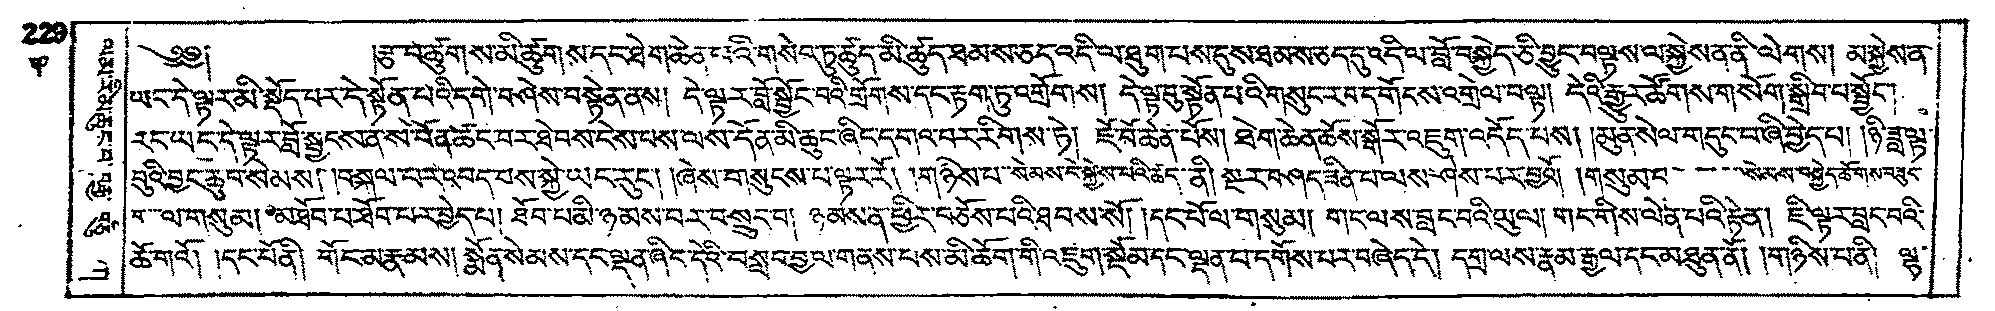༄༅། །རྩ་བ་ཚུགས་མི་ཚུགས་དང་ཐེག་ཆེན་པའི་གསེབ་ཏུ་ཚུད་མི་ཚུད་ཐམས་ཅད་འདི་ལ་ཐུག་པས་དུས་ཐམས་ཅད་དུ་འདི་ལ་བློ་བསྐྱེད་ཅི་བྱུང་བལྟས་ལ་སྐྱེས་ན་ནི་ལེགས། མ་སྐྱེས་ན་
ཡང་དེ་ལྟར་མི་སྡོད་པར་དེ་སྟོན་པའི་དགེ་བཤེས་བསྟེན་ནས། དེ་ལྟ་བློ་སྦྱོང་བའི་གྲོགས་དང་རྟག་ཏུ་འགྲོགས། དེ་ལྟ་བུ་སྟོན་པའི་གསུང་རབ་དགོངས་འགྲེལ་བལྟ། དེའི་རྒྱུར་ཚོགས་གསོག་སྒྲིབ་པ་སྦྱོང་།
རང་ཡང་དེ་ལྟར་བློ་སྦྱངས་ན་ས་བོན་ཚོང་བར་ཐེབས་ངེས་པས་ལས་དོན་མི་ཆུང་ཞིང་དགའ་བར་རིགས་ཏེ། ཇོ་བོ་ཆེན་པོས། ཐེག་ཆེན་ཆོས་སྒོར་འཇུག་འདོད་པས། །མུན་སེལ་གདུང་བ་ཞི་བྱེད་པ། །ཉི་ཟླ་ལྟ་
བུའི་བྱང་ཆུབ་སེམས། །བསྐལ་པར་འབད་པས་སྐྱེ་ཡང་རུང་། །ཞེས་གསུངས་པ་ལྟར་རོ། །གཉིས་པསེམས་དེ་སྐྱེས་པའི་ཚད་ནི། སྔར་བཤད་ཟིན་པ་ལས་ཤེས་པར་བྱའོ། །གསུམ་པསེམས་བསྐྱེད་ཚོགས་བཟུང་
བ་ལ་གསུམ། མ་ཐོབ་པ་ཐོབ་པར་བྱེད་པ། ཐོབ་པ་མི་ཉམས་པར་བསྲུང་བ། ཉམས་ན་ཕྱིར་བཅོས་པའི་ཐབས་སོ། །དང་པོ་ལ་གསུམ། གང་ལ་བླང་བའི་ཡུལ། གང་གིས་ལེན་པའི་རྟེན། ཇི་ལྟར་བླང་བའི་
ཆོ་གའོ། །དང་པོ་ནི། གོང་མ་རྣམས། སྨོན་སེམས་དང་ལྡན་ཞིང་དེའི་བསླབ་བྱ་ལ་གནས་པས་མི་ཆོག་གི་འཇུག་སྡོམ་དང་ལྡན་པ་དགོས་པར་བཞེད་དེ། དགྲ་ལས་རྣམ་རྒྱལ་དང་མཐུན་ནོ། །གཉིས་པ་ནི། ལྷ་